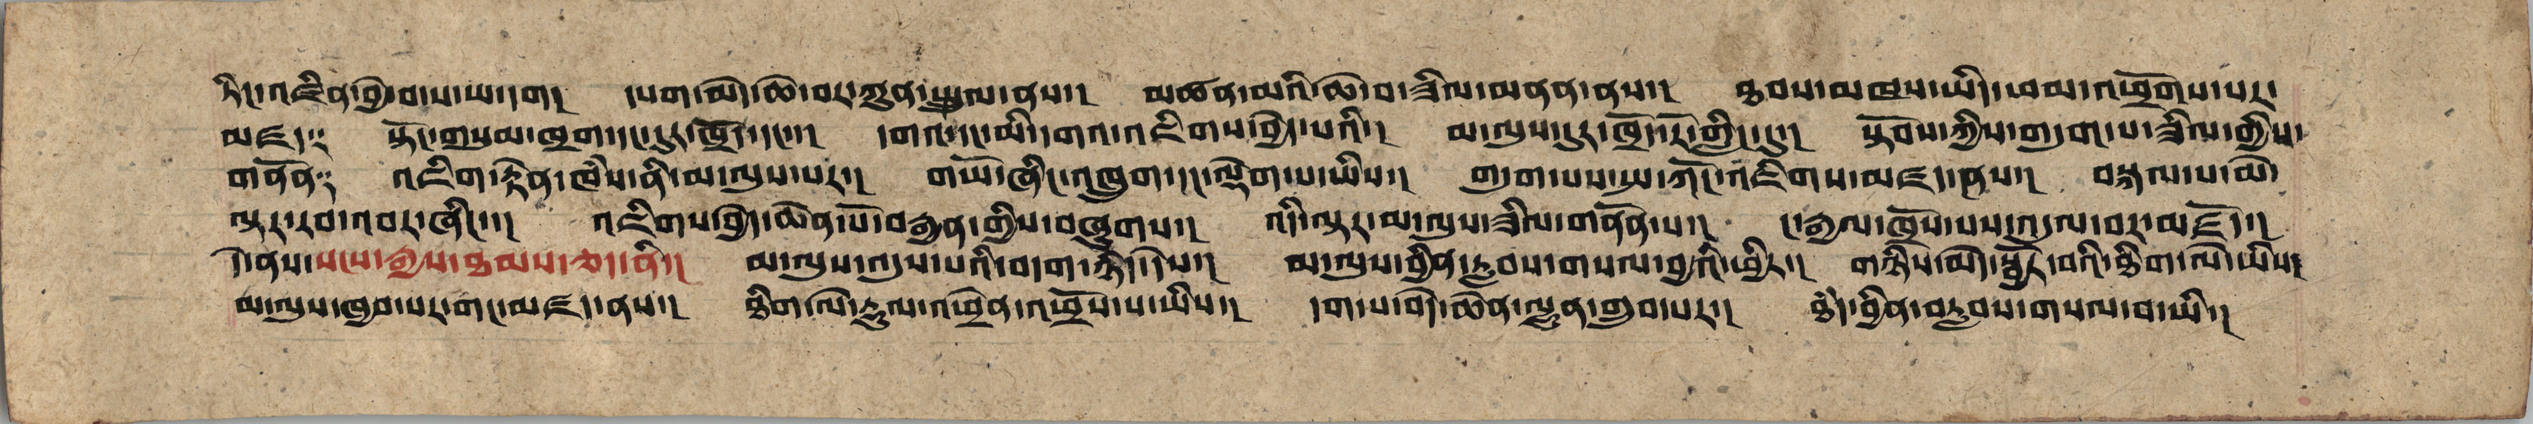ཏིང་འཛིན་བྱེ་བ་ས་ཡ་དག། དཔག་མེད་ཆེ་བར་ཀུན་སྤྲུལ་ནས་། མཚན་མའི་ཆེ་བ་ཟིལ་མནན་ནས་། ཐབས་མཁས་ཡིད་ཕམ་འཕྲོགས་པར་
མཛད༑ སྟོང་གསུམ་ཁྲག་དང་དུར་ཁྲོད་དང་་། དགའ་དང་མི་དགའ་འཇིགས་བྱེད་པའི་། མ་ལུས་དུར་ཁྲོད་རོ་གླིང་དུ་། སྟོབས་ཀྱིས་གདུག་པ་ཟིལ་གྱིས་
གནོན༑ འཇིག་རྟེན་ཁཾས་ནི་མ་ལུས་པར་། གཡོ་ཞིང་འཁྲུག་དང་ལྡེག་པ་ཡིས་། གདུག་པས་སྤ་ཀོང་འཇིགས་མཛད་ནས་། བསྐལ་པ་མེ་
ལྟར་རབ་འབར་ཞིང་་། འཇིགས་བྱེད་ཆེན་པོ་བརྒྱན་གྱིས་བཞུགས་། འདི་ལྟར་མ་ལུས་ཟིལ་གནོན་པ་། ང་རྒྱལ་ཁྲོས་པས་འདུལ་བར་མཛོད་།
དེ་ནས་སངས་རྒྱས་ཐམས་ཅད་ནི་། མ་ལུས་འདུས་པའི་བདག་ཉིད་དེས་། མ་ལུས་བྱིན་རླབས་གསལ་བྱའི་ཕྱིར་། གཉིས་མེད་སྦྱོར་བའི་ཐིག་ལེ་ཡིས་།
མ་ལུས་ཁྱབ་པར་གང་མཛད་ནས་། ཐིག་ལེ་རྡུལ་འཕྲེན་འཕྲོས་པ་ཡིས་། དག་པ་བདེ་ཆེན་ལྷུན་གྲུབ་པར་། ཐཾད་བྱིན་བརླབས་གསལ་བ་ཡི་།